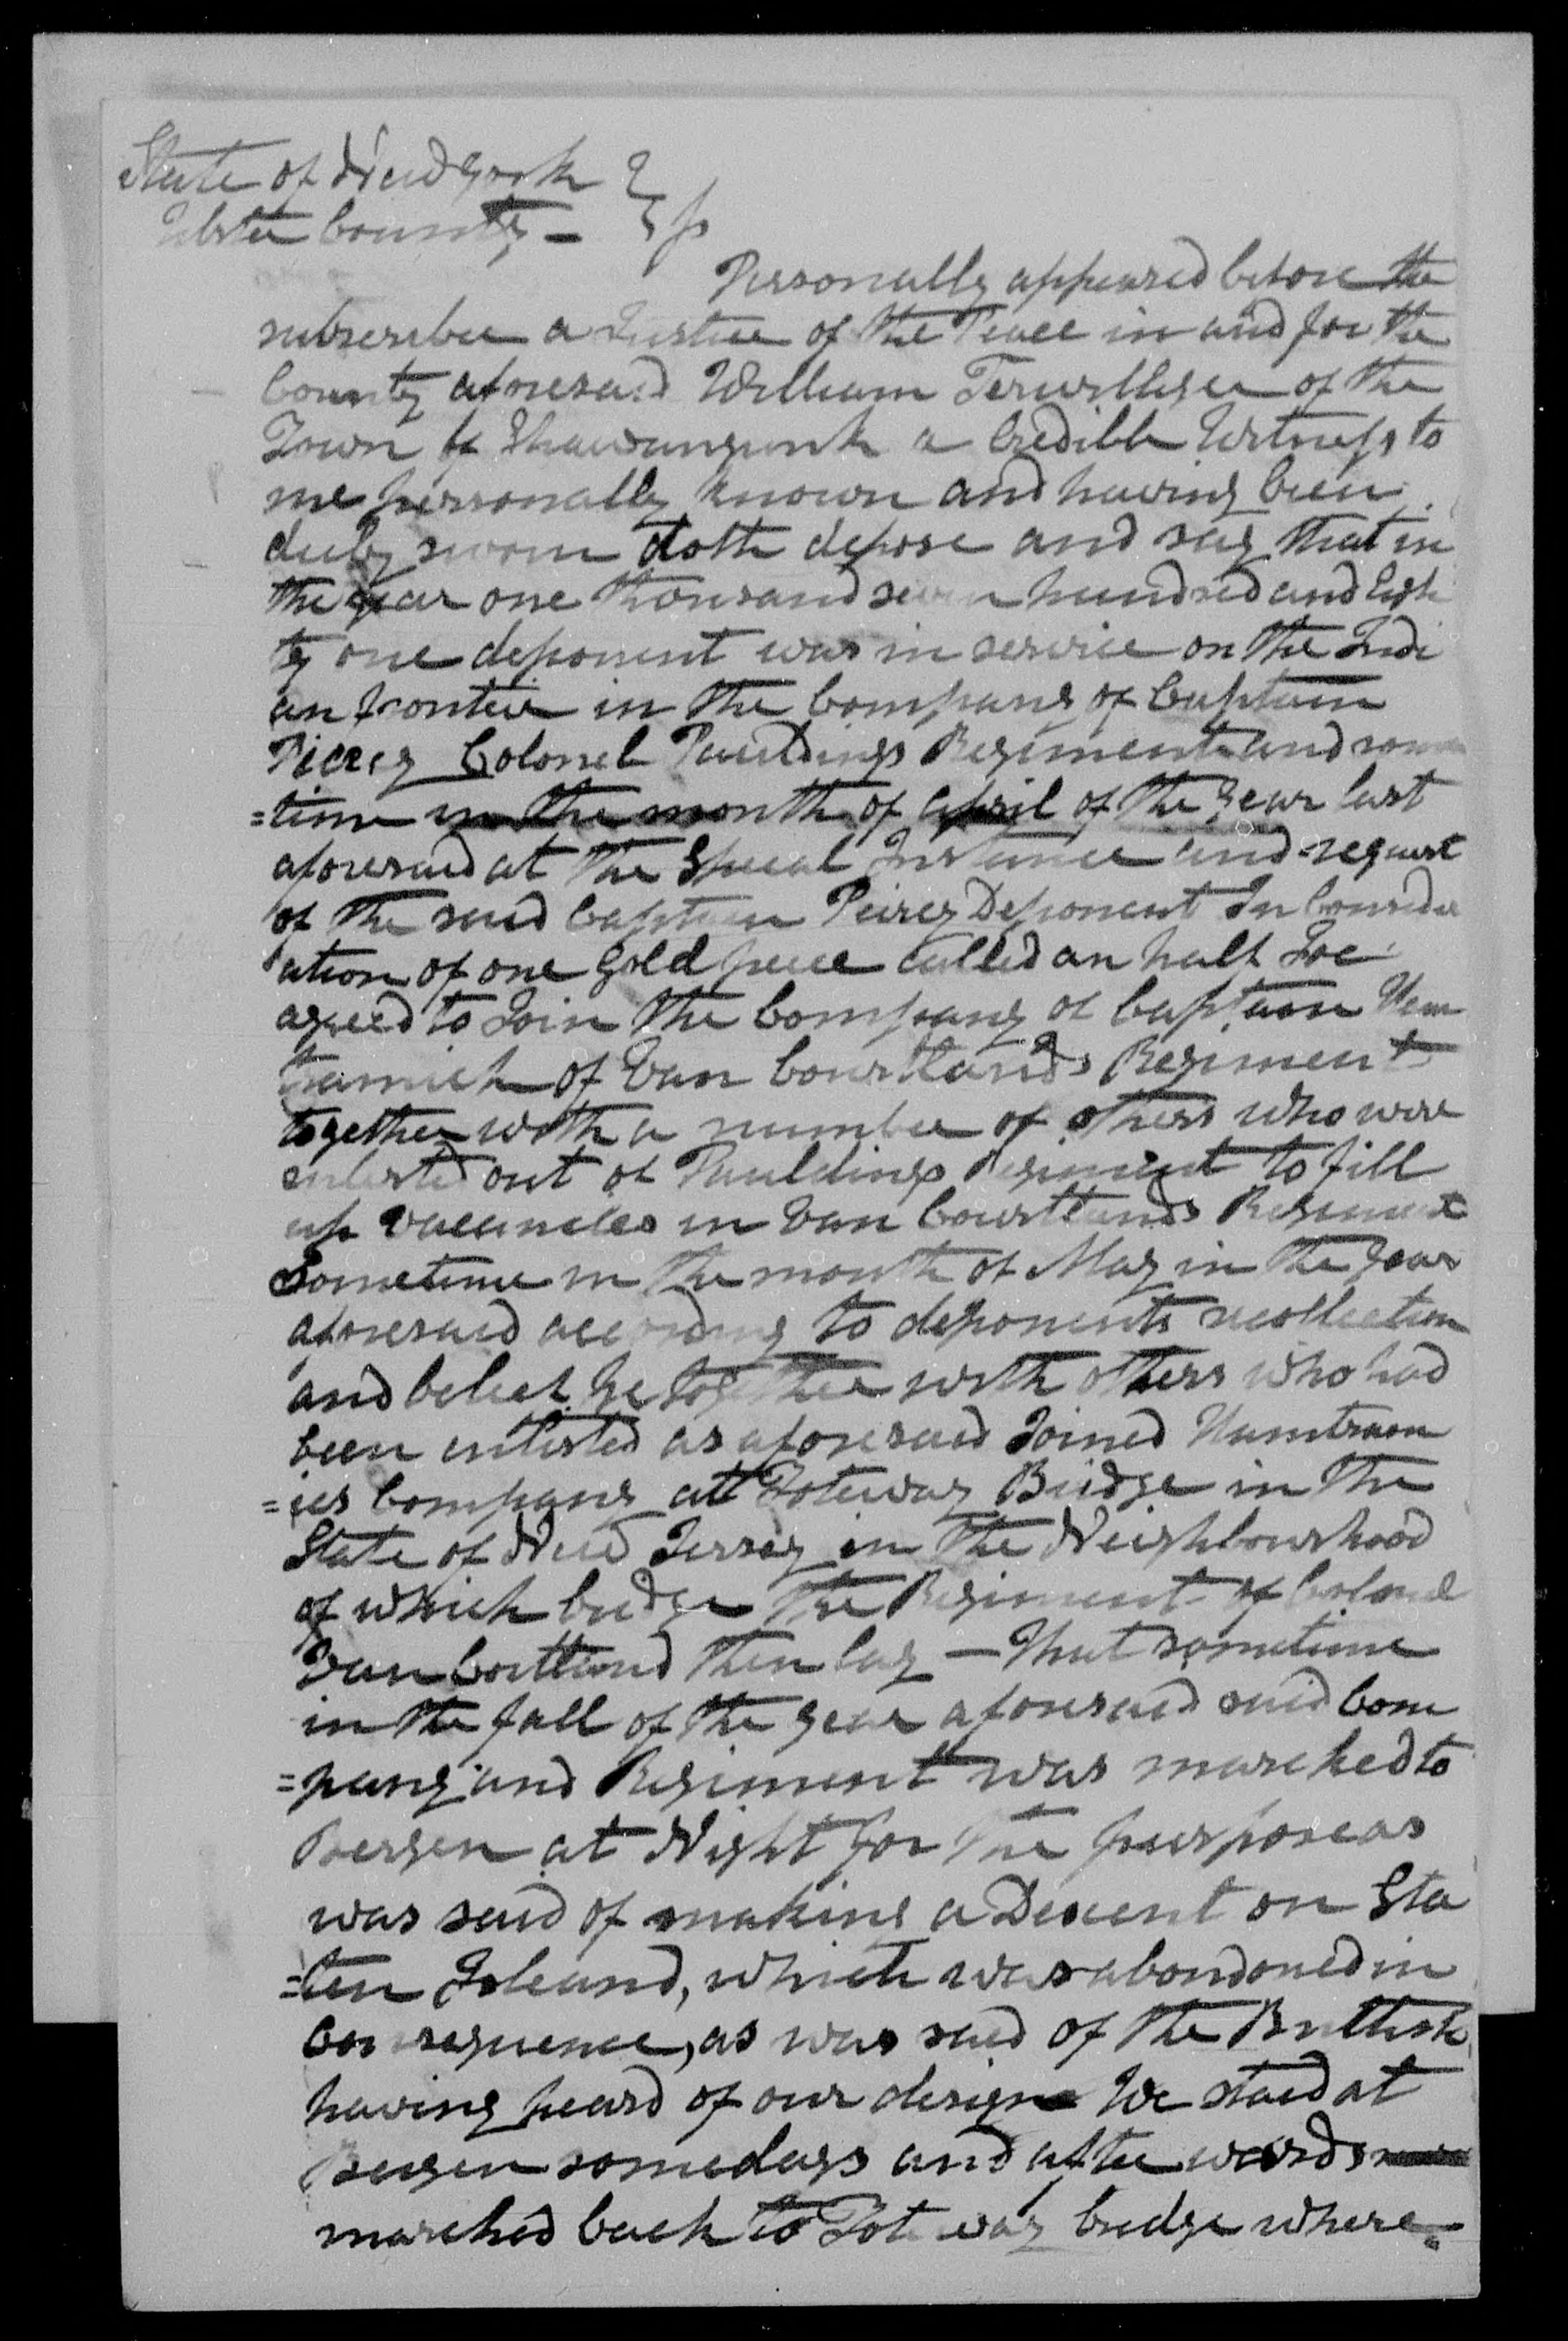State of New York
Ulster County-
Personally appeared before the
subscriber a Justice of the Peace in and for the
County aforesaid William Terwilliger of the
Town of Shawangunk a credible witness to
me personally known and having been
duly sworn doth depose and say that in
the year one thousand seven hundred and Eighty
one deponent was in service on the Indian frontier in the Company of Captain
Pierce Colonel Pawlings Regiment and some
time in the month of April of the year last
aforesaid at the special instance and request
of the said Captain Perce Deponent In consideration of one gold piece called an half he
agreed to join the company of Caption Ventranich of Van Courtlands Regiment
together with a number of others who were
enlisted out of Pauldings Regiment to fill
vacancies in Van Courtlands Rent
sometime in the month of May in the year
aforesaid according to deponents recollection
and belief he together with others who had been
enlisted as aforesaid Joined Huntron's company at Toteway Bridge in the
State of New Jersey in the Neighbourhood
of which bridge the regiment of Col
Van Cortland then lay-- That sometime
in the fall of the year aforesaid and company and regiment was marched to
Toersen at night for the purposes
was said of making a descent on Staten Island, which was abandoned in
consequence, as was said of the Brittish
having heard of our design we staid at
Bergen some days and after words
marched back to lot was bridge where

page: 53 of 64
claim: survivor's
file: S. 42,464, for William Terwilliger, New York